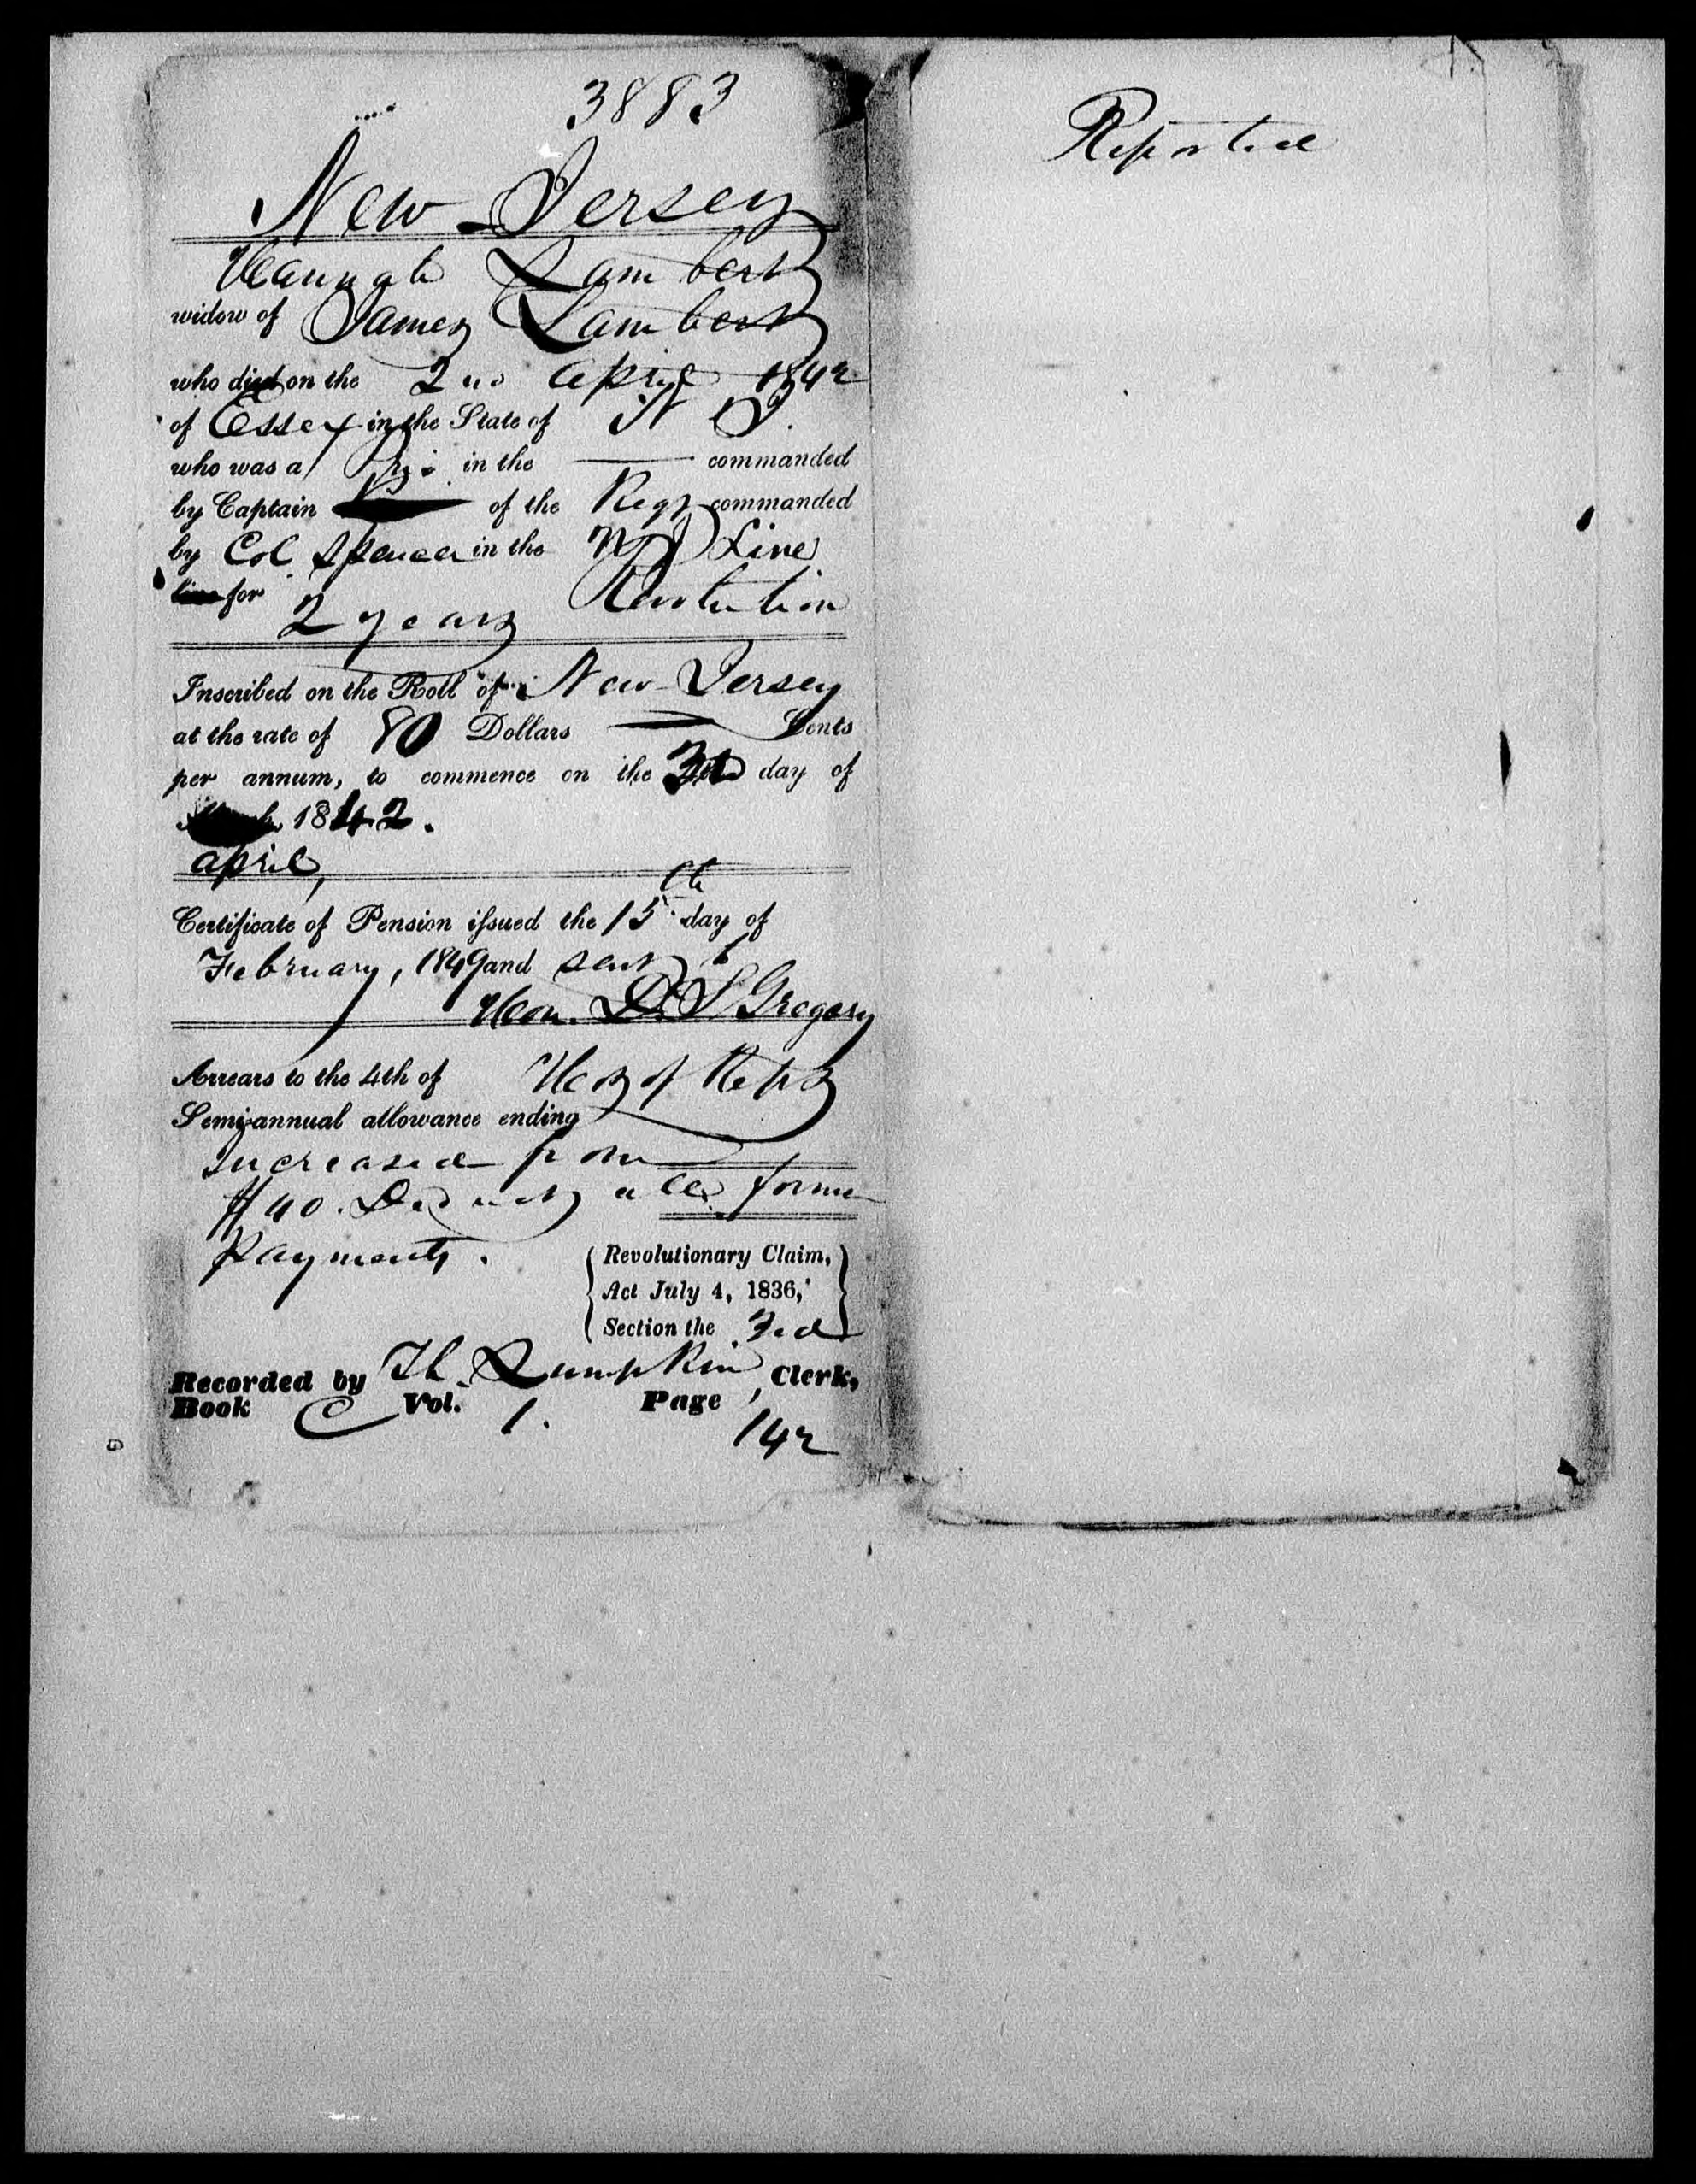3883
New Jersey
Hannah Lambert widow of James Lambert
who died on the 2nd April 1842 of Essex in the State of N. J.who was a Pri. in the ___ commanded by Captain ____ of the Regt commanded by Col Spencer in the NJ Line for
2 years  Revolution
Inscribed on the Roll of New Jersey at the rate of 80 Dollars ____ Cents per annum, to commence on the 3rd day of 1842 April

Certificate of Pension issued the 15th day of
February, 1849 and sent to Hon. D S Gregory
Arrears to the 4th of Hos of Reps
Semiannual allowance ending
Increase from $40. Deduct all former
payments
{Revolutionary Claim, Act July 4, 1836,}
Section the 3rd
Recorded by Tho Lumpkin Clerk
Book C Vol. 1 Page 142

Reported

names: Th Lumpkin; [BLANK] Spencer; D S Gregory; Hannah Lambert; James Lambert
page: 3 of 49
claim: widow's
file: W. 859, for James Lambert, New Jersey